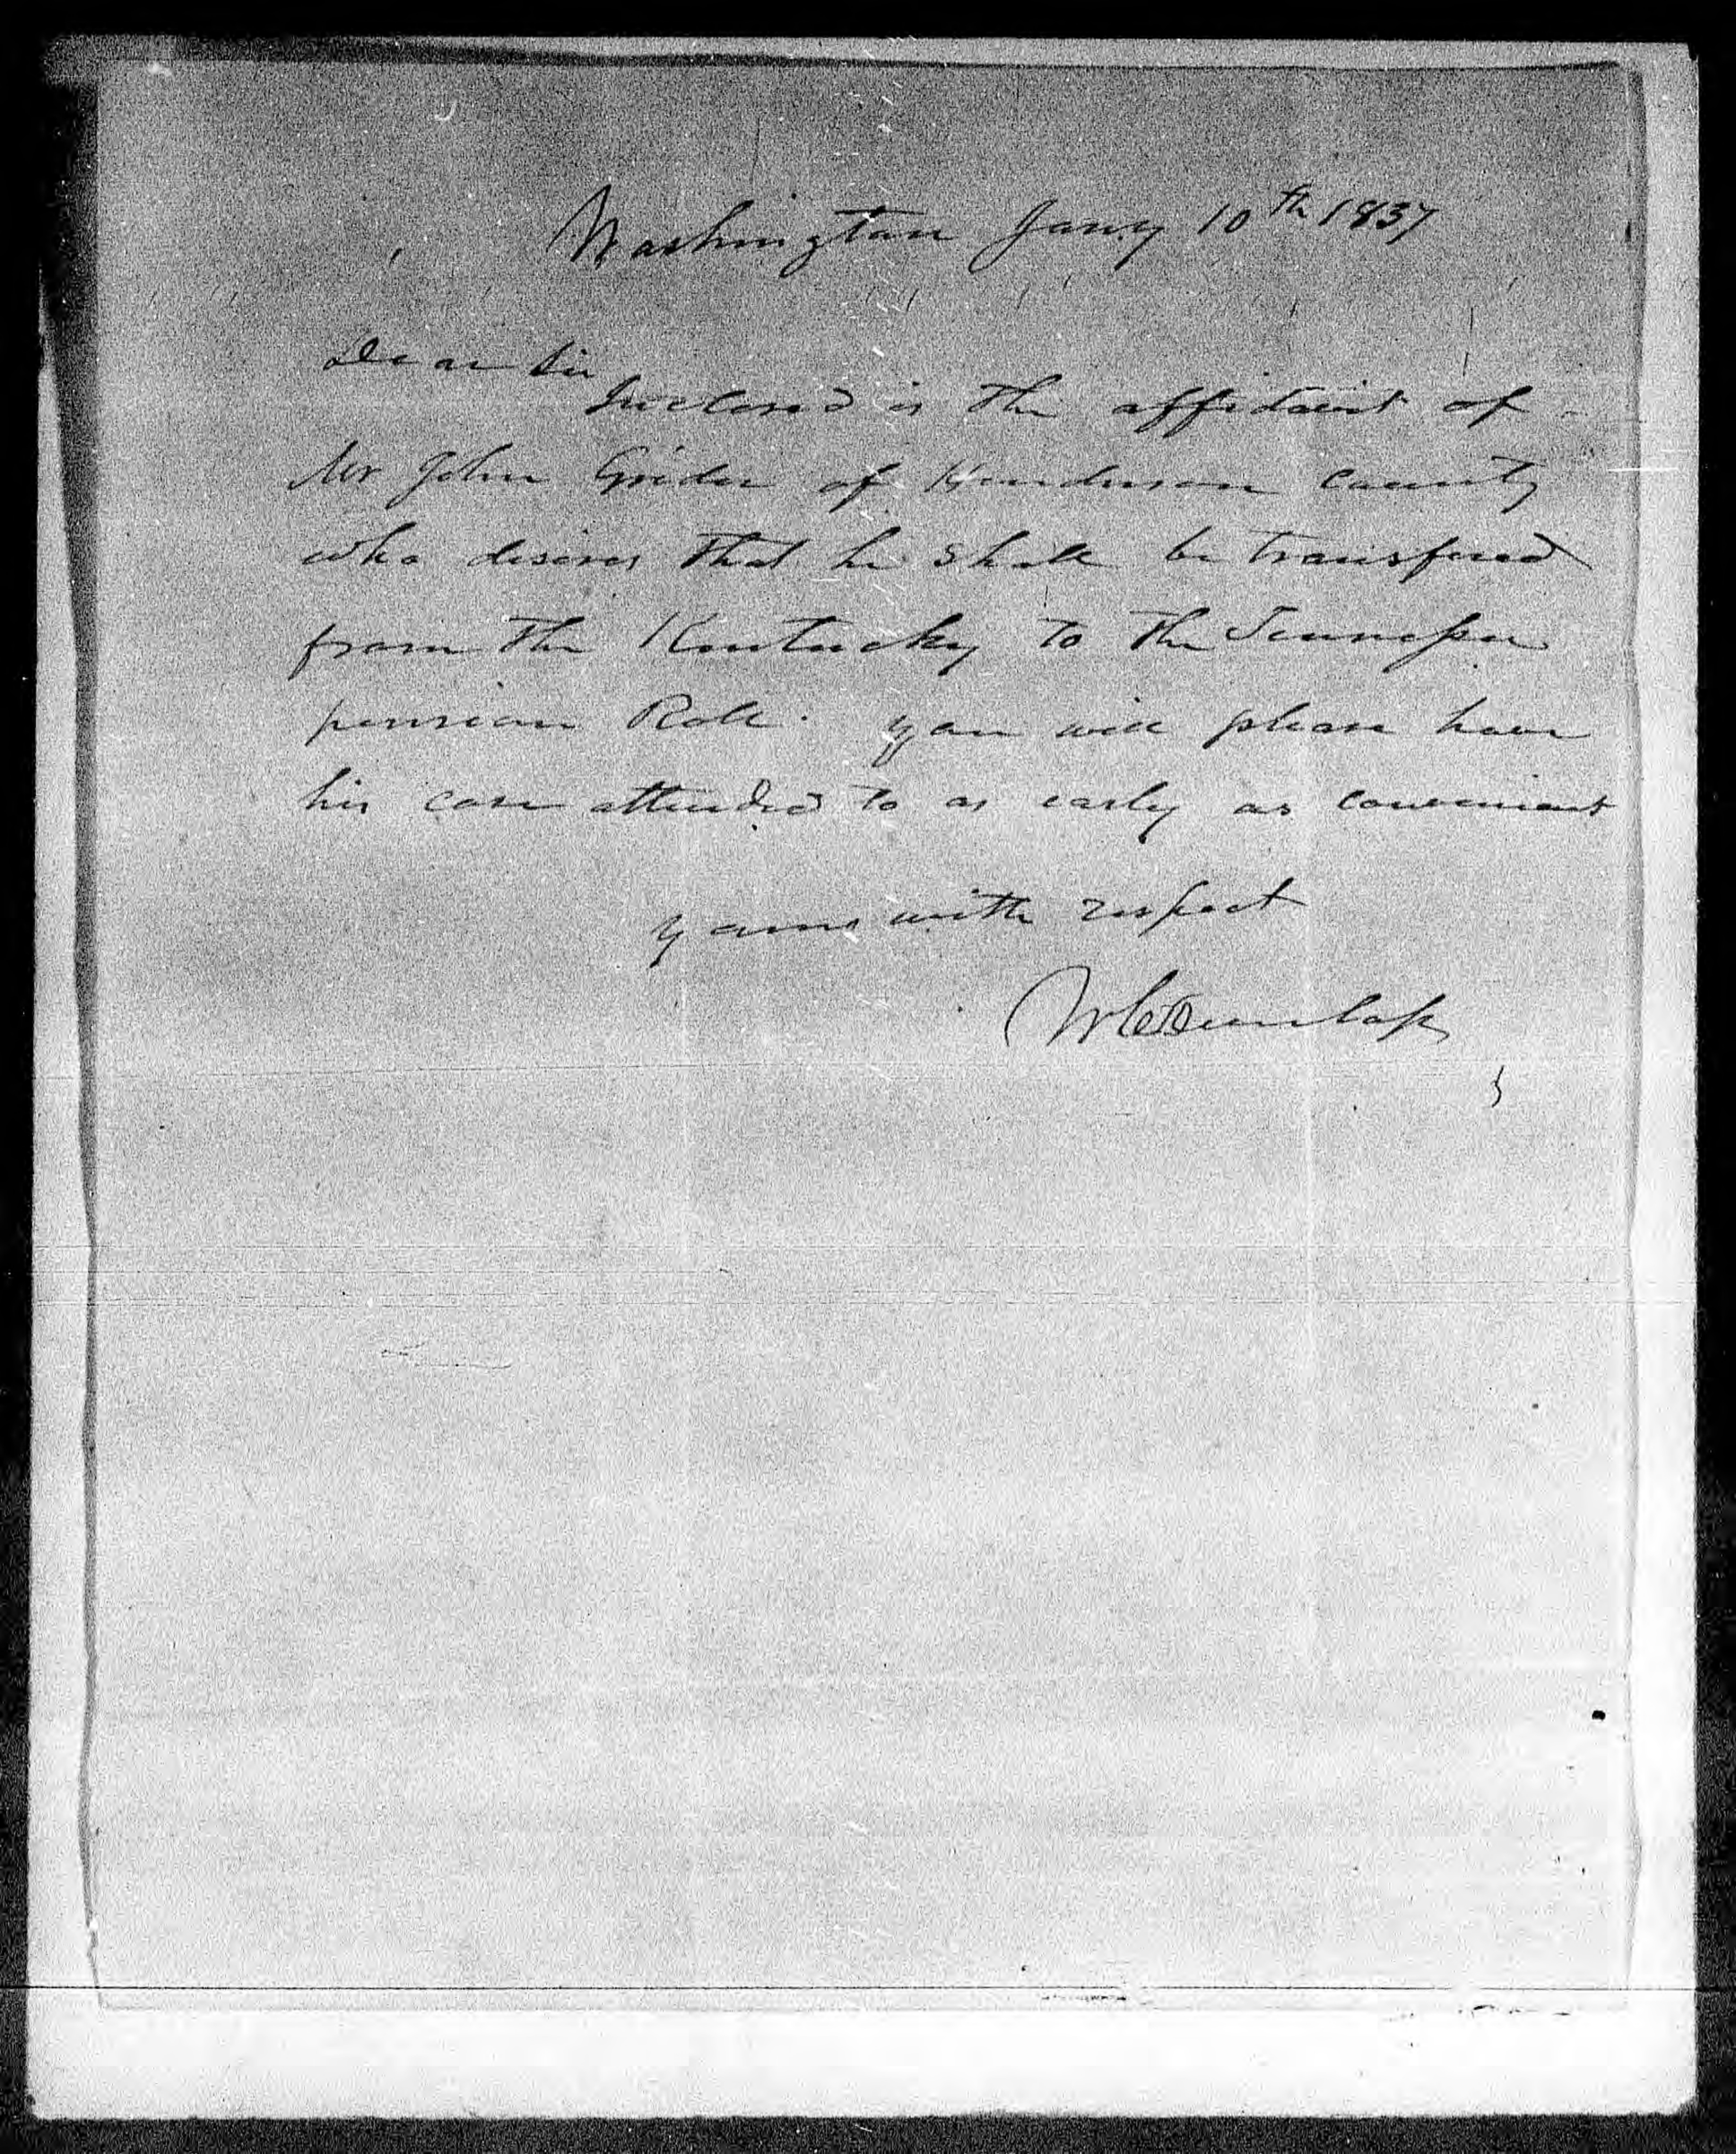Washington Janry 10th 1837

Dear Sir
Inclosed is the affidavit of Mr. John Grider of Henderson County who desires that he shall be transfered from the Kentucky to the Tennessee pension Roll. You will please have his case attended to as early as convenient 
Your with respect,
W.C Dunlap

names: John Grider, W C Dunlap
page: 40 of 91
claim: widow's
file: W 358, John Grider, N.C.